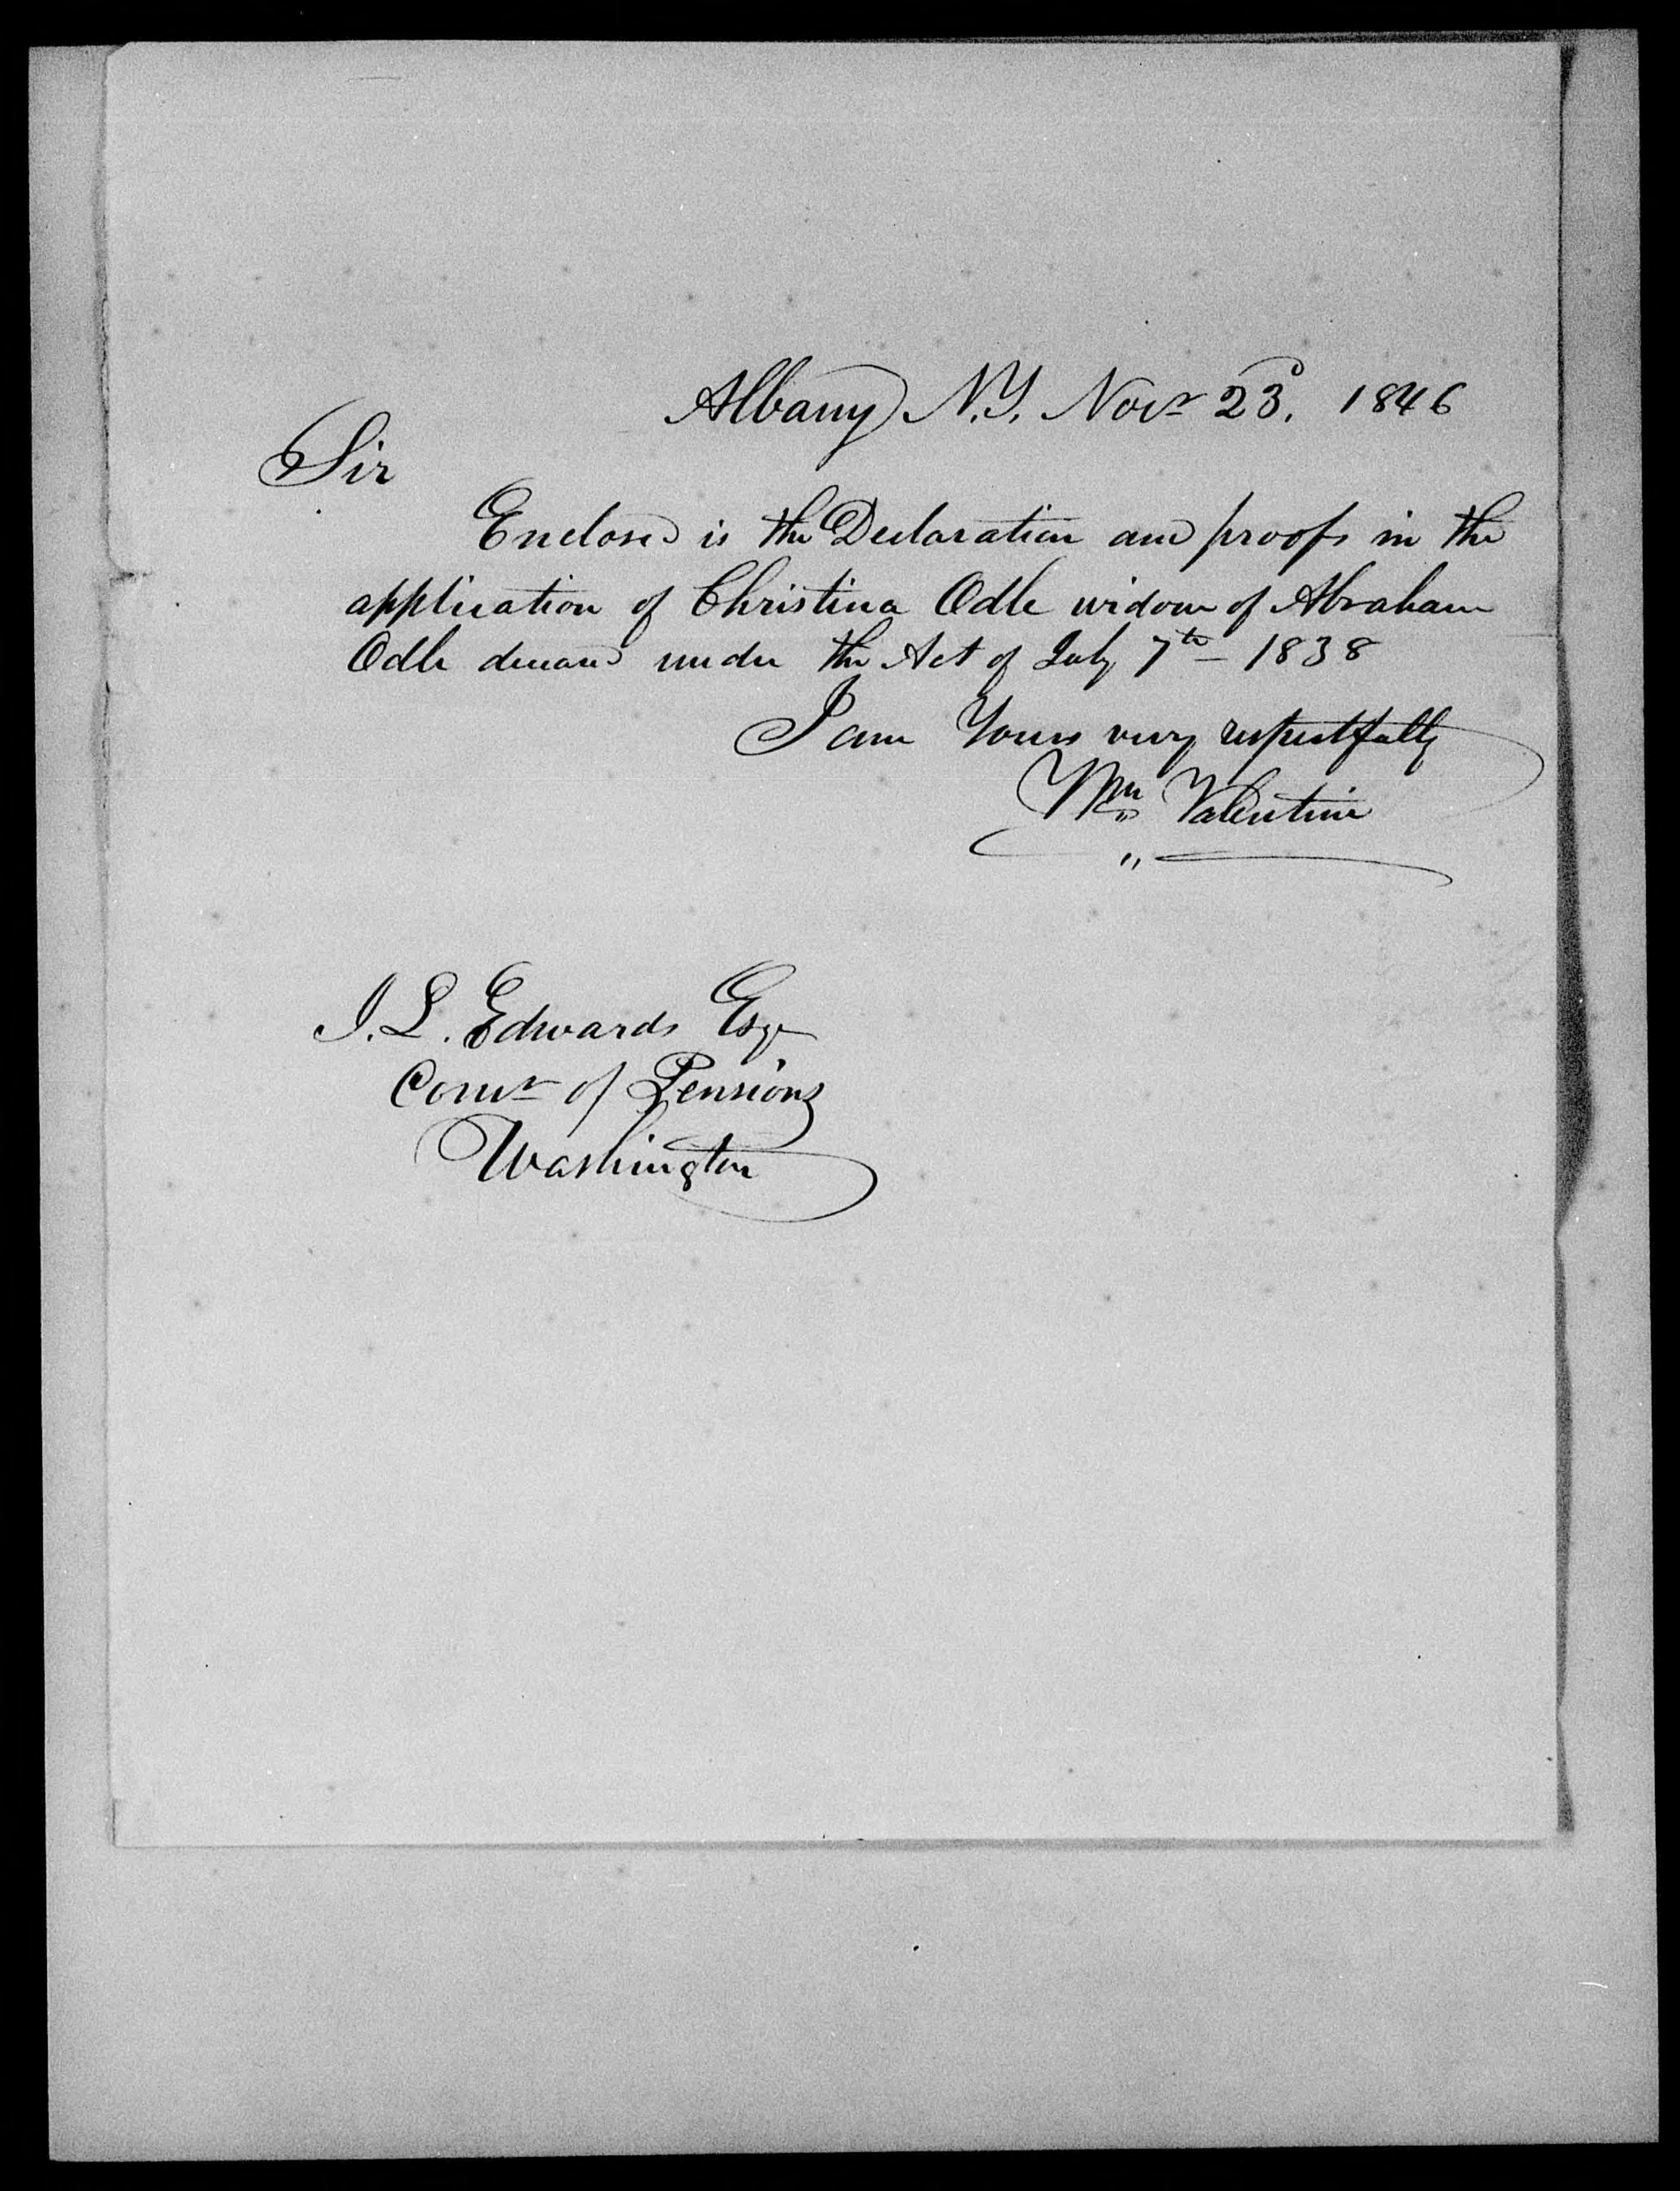Albany N.Y. Novr. 23d. 1846
Sir 
Enclosed is the Declaration and proof in the application of Christina Odle widow of Abraham Odle deceased under the Act of July 7th - 1838
I am Yours very respectfully Wm. Valentine [signature] 

J. L. Edwards Esq.
Comr. of Pensions Washington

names: J L Edwards; Abraham Odle; Wm Valentine; Charistina Odle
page: 16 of 19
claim: widow's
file: W. 24363, for Abraham Odell, New York